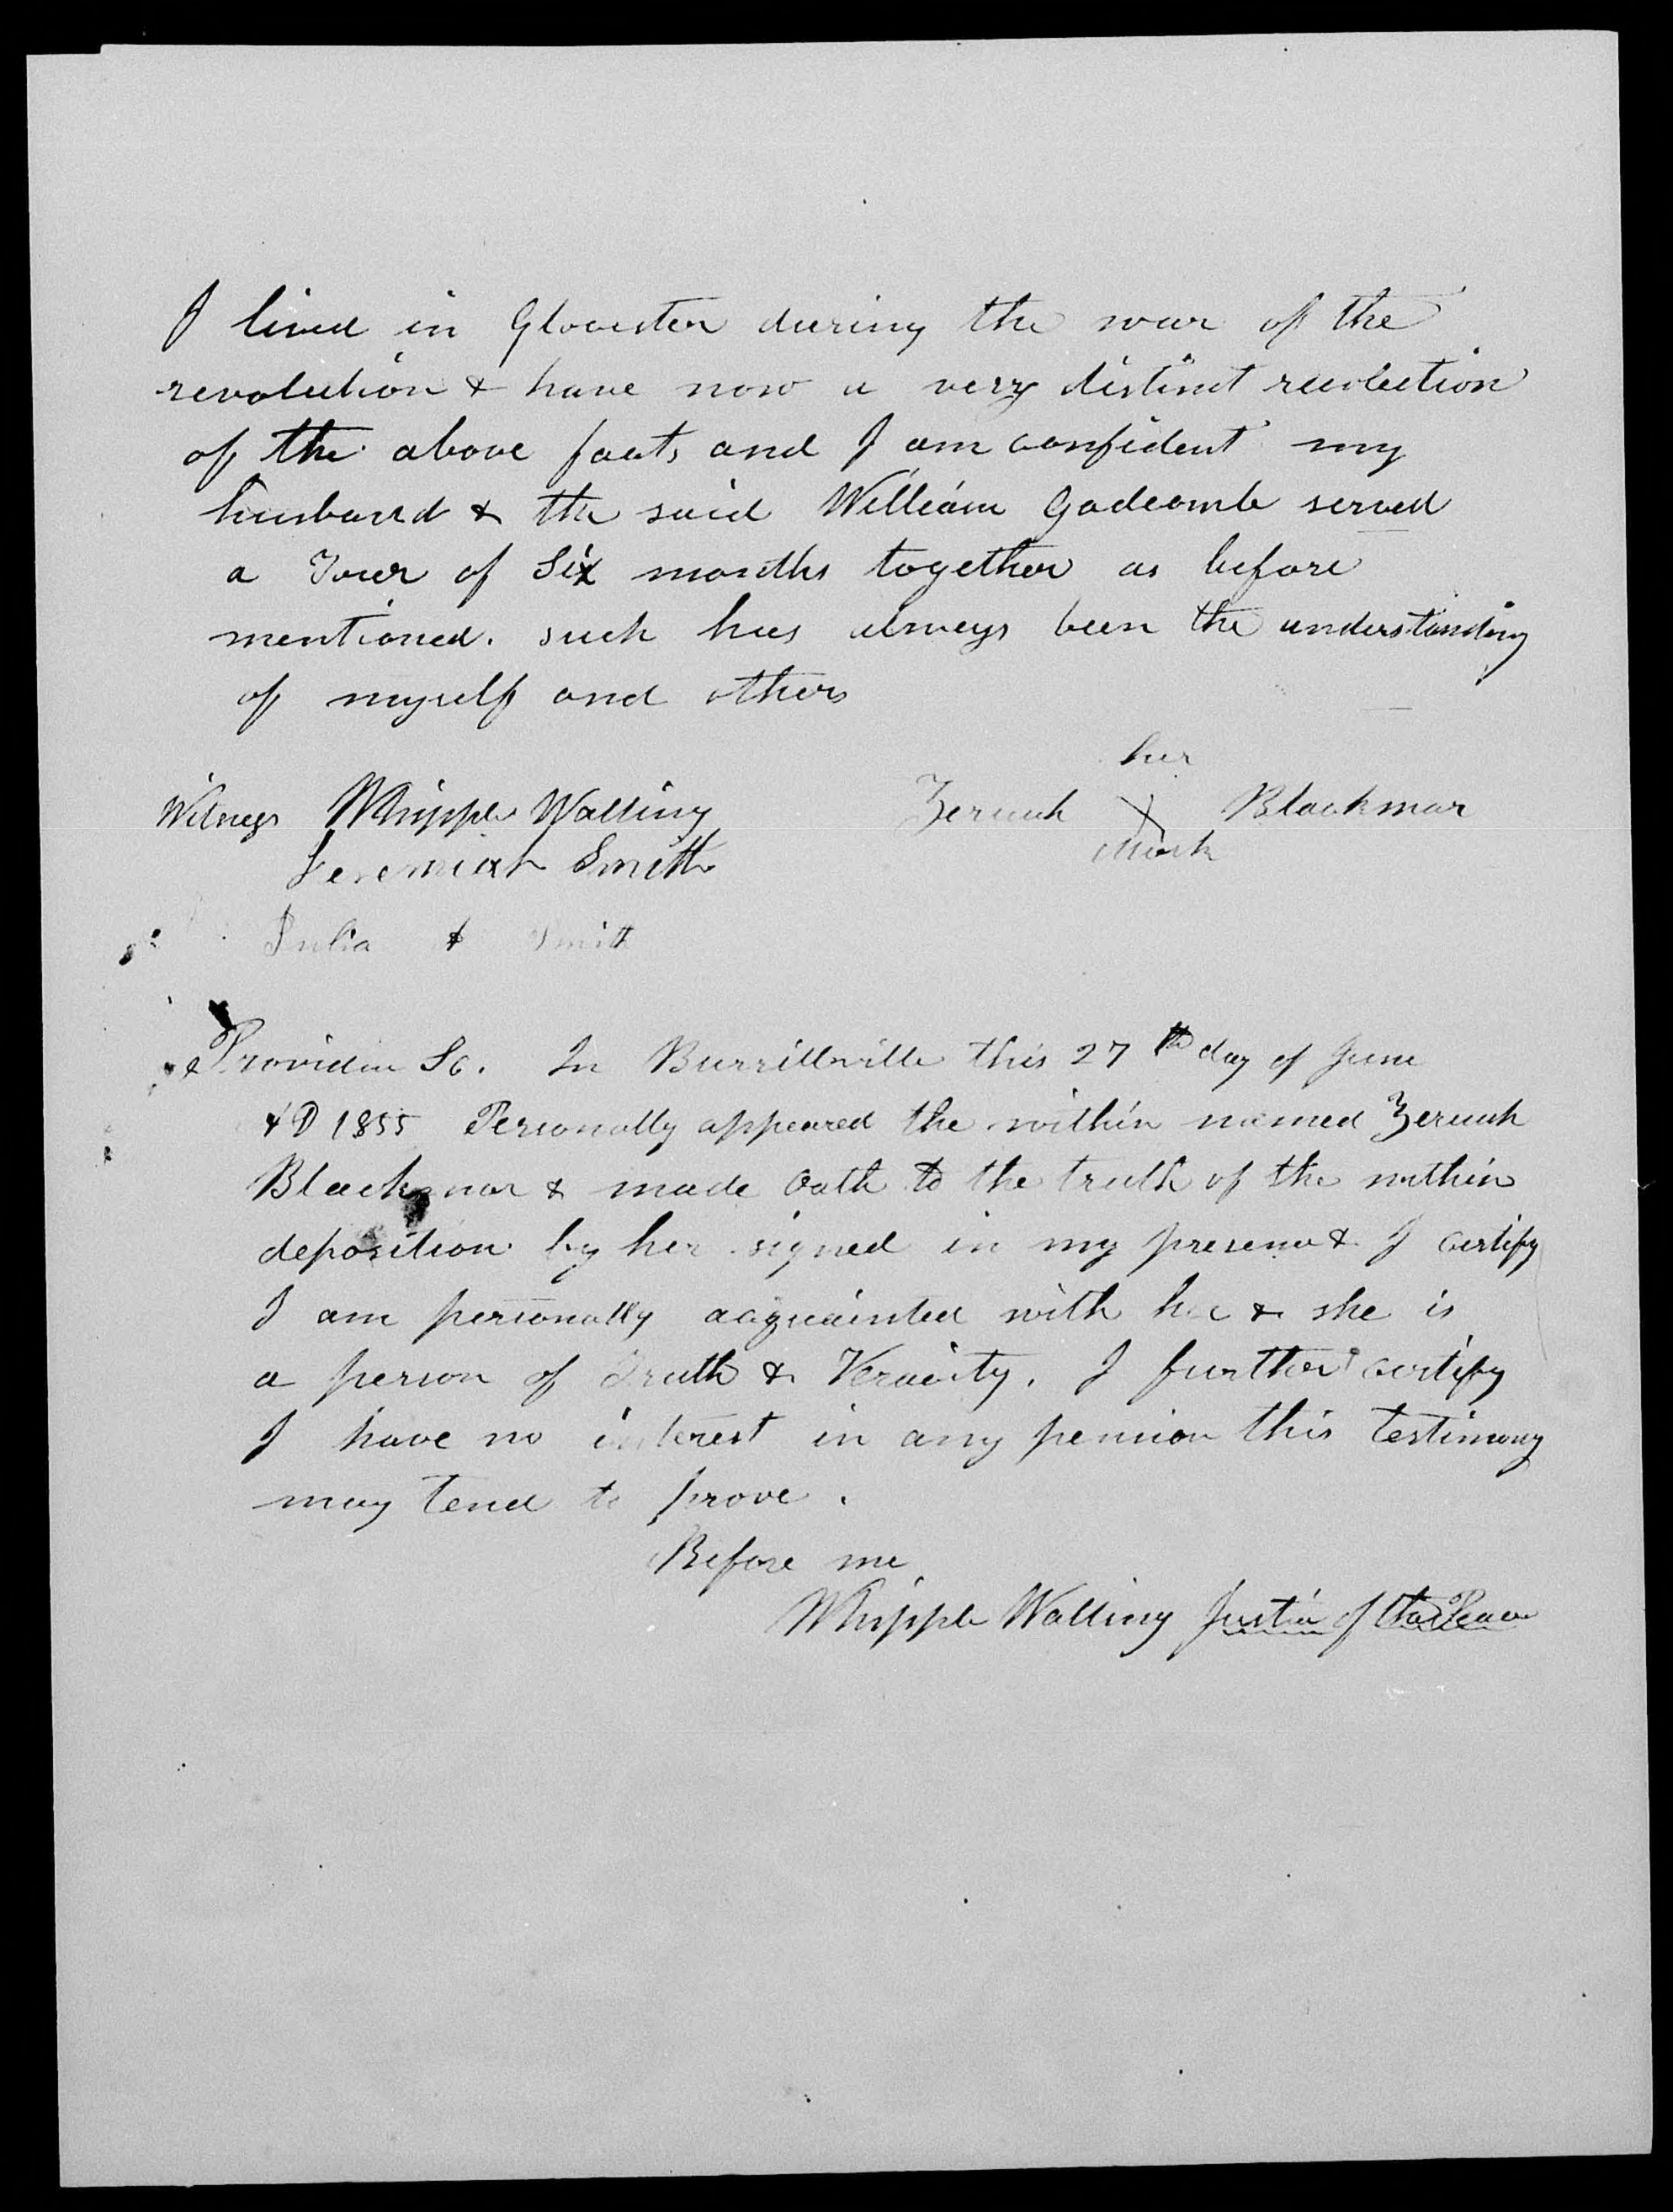I lived in Glocester during the war of the revolution & have now a very distinct recollection of the above fact, and I am confident my husband & the said William Gadcomb served a Tour of Six months together as before mentioned. Such has always been the understanding of myself and other.
Her mark X Zerucah Blackmar
Witness Whipple Walling 
Jeremiah Smith 
Julia A Smith

Providenc Sc. In Burrillville this 27th day of June AD 1855. Personally appeared the within named Zerucah Blackmar & made oath to the truth of the within deposition by her signed in my presence & I certify I am personally acquainted with her & she is a person a Truth & Veracity. I further certify I have no interest in any pension this testimony may tend to prove. Before me, Whipple Walling Justice of the Peace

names: Zeruah Blackmar, Whipple Walling, William Gadcomb, Whipple Walling, Jeremiah Smith, Zeruah Blackmar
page: 37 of 76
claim: widow's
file: W. 15,517, William Gadcomb, R.I.